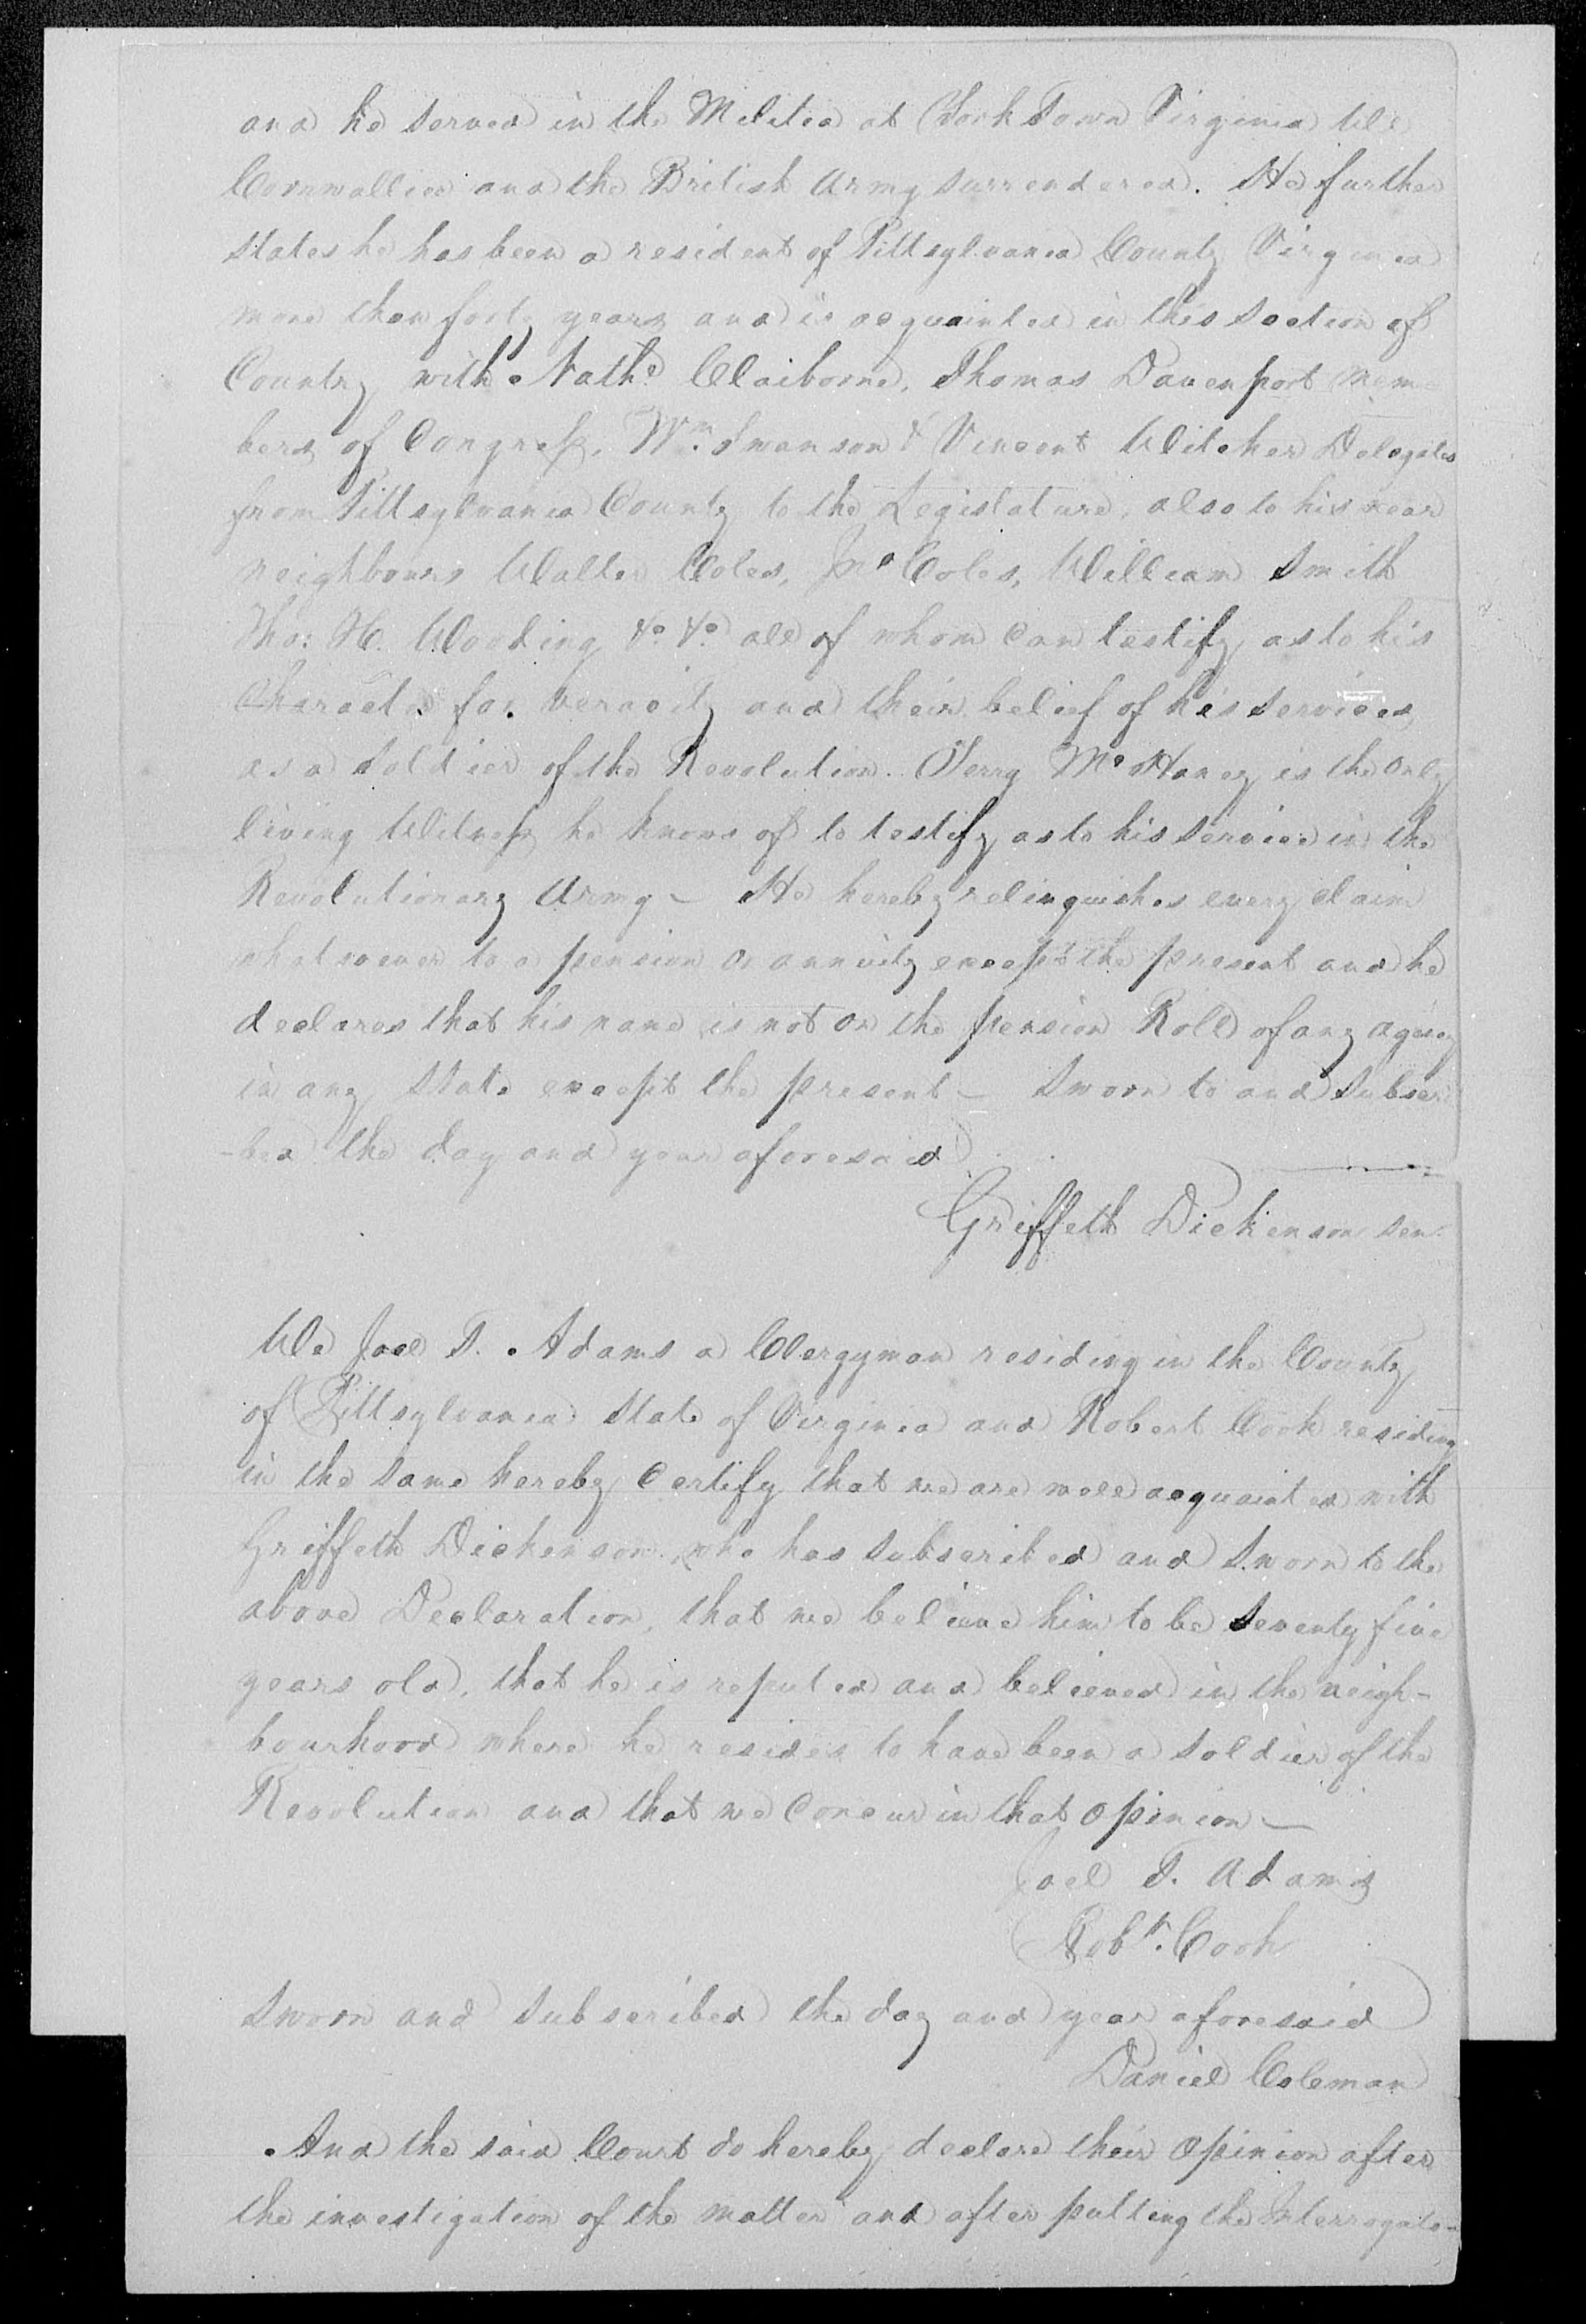and he served in the Militia at Yorktown Virginia till Cornwallis and the British Army surrendered. He further states he has been a resident of Pittsylvania County Virginia more than forty years and is acquainted in this section of Country with Nath’l Claiborne, Thomas Davenport members of Congress, Wm. Swanson & Vincent Witcher Delegates from Pittsylvania County to the Legislature, also to his near neighbours Walter Coles, Jno Coles, William Smith, Tho. H. Wooding &c. &c. all of who can testify as to his character for veracity and their belief of his services as a soldier of the Revolution. Terry McHaney is the only living Witness he knows of to testify as to his services in the Revolutionary War. He hereby relinquishes every claim whatever to a pension or annuity except the present and he declares that his name is not on the pension Roll of any agency in any State except the present. 
Sworn to and Subscribed the day and year aforesaid.
Griffeth Dickenson Sen’r

We Joel J. Adams a Clergyman residing in the County of Pittsylvania State of Virginia and Robert Cook residing in the same herby certify that we are well acquainted with Griffeth Dickenson who has subscribed and sworn to the above Declaration, that we believe him to be Seventy five years old, that he is reputed and believed in the neighborhood where he resides to have been a soldier of the Revolution and that we concur in that opinion -
Joel J. Adams
Robt. Cook

Sworn and subscribed the day and year aforesaid
Daniel Coleman
And the said Court do hereby declare their opinion after the investigation of the matter and after putting the interrogato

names: William Smith, Walter Coles, Wm Swanson, Joel T Adams, Daniel Coleman, Thos H Wooding, Joel T Adams, Robert Cook, Nathl Claiborne, Griffeth Dickenson, Terry Mc Haney, Thomas Davenport, Vincent Witcher, Robt Cook, Griffeth Dickenson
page: 5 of 26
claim: survivor's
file: S. 20896, Griffeth Dickenson, Ga. Va.